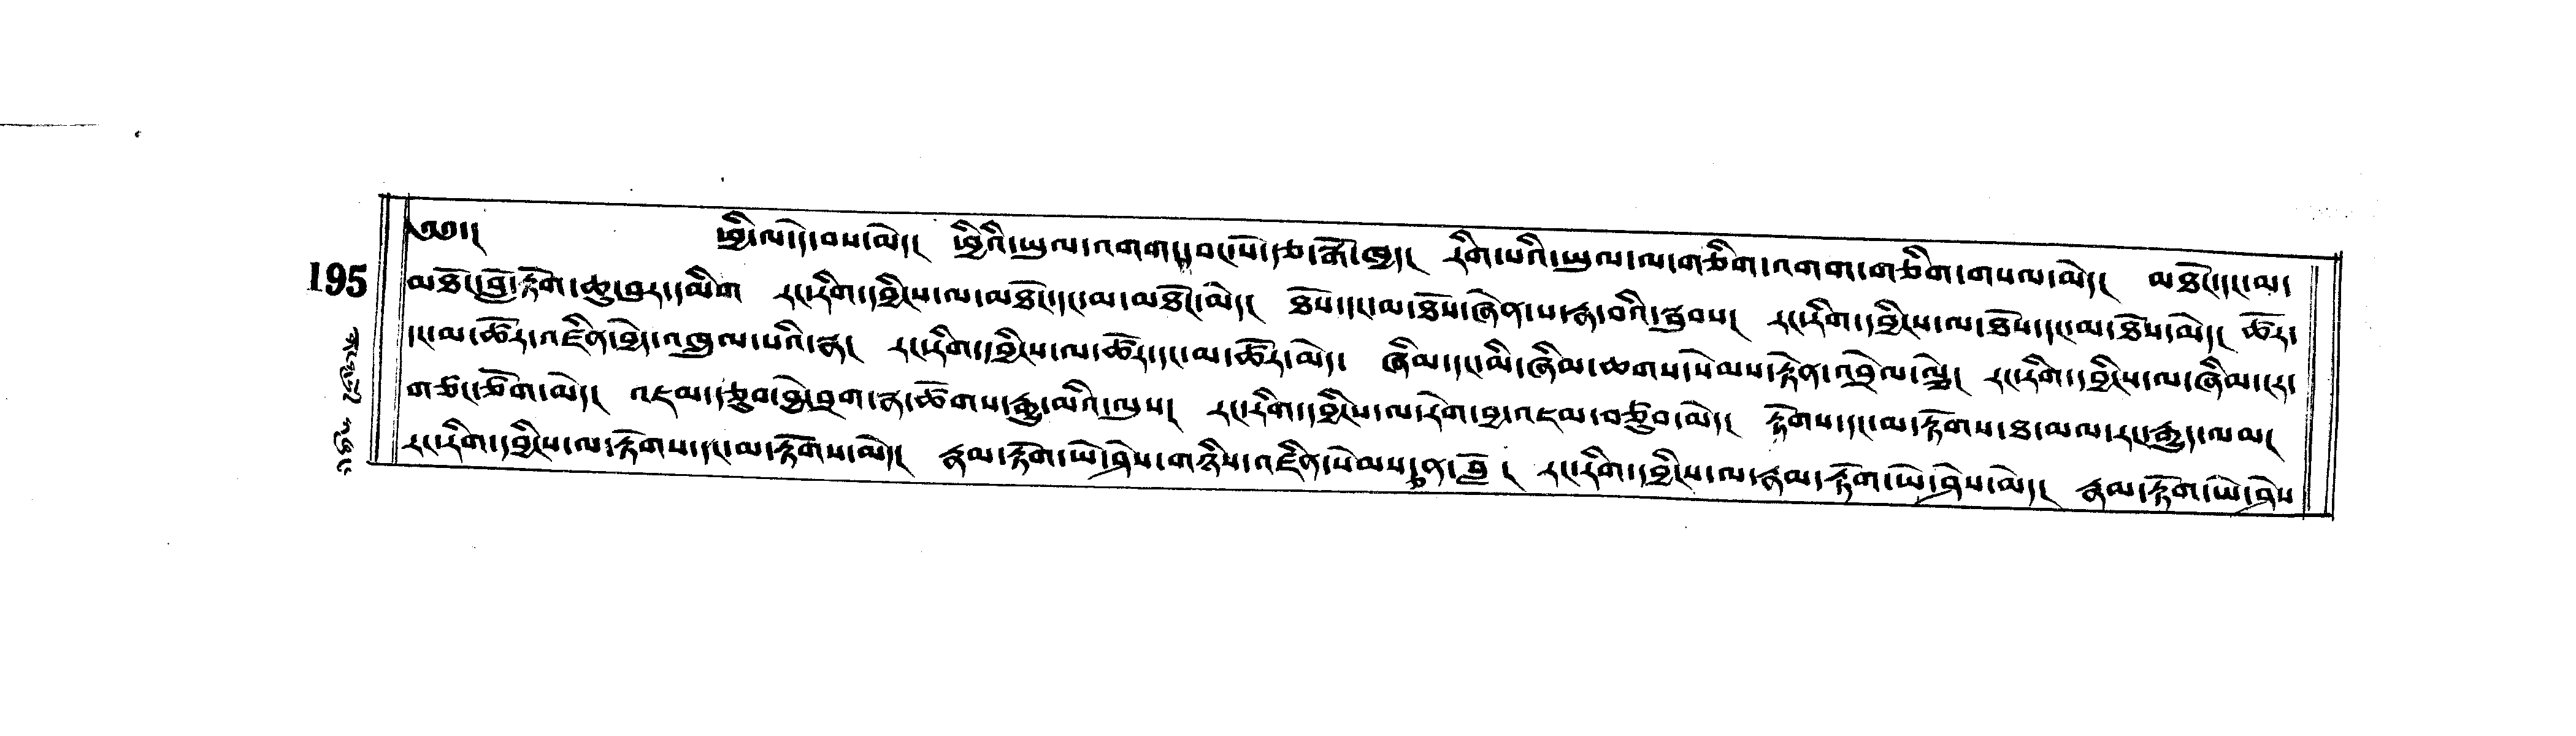ཕྱི་ལ་དེ་བས་མེད། ཕྱིའི་ཡུལ་འགག་དབང་པོ་རྩ་སྒོ་ཁྱད། རིག་པའི་ཡུལ་ལ་གཅིག་འགག་གཅིག་གསལ་མེད། མཐོང་དང་མ་
མཐོང་བློ་རྟོག་ཆུ་བུར་མིག རང་རིག་དབྱིངས་ལ་མཐོང་དང་མ་མཐོང་མེད། ཐོས་དང་མ་ཐོས་ཞེན་པ་རྣ་བའི་སྦུབས། རང་རིག་དབྱིངས་ལ་ཐོས་དང་མ་ཐོས་མེད། ཚོར་
དང་མ་ཚོར་འཛིན་བྱེད་འཁྲུལ་པའི་སྣ། རང་རིག་དབྱིངས་ལ་ཚོར་དང་མ་ཚོར་མེད། ཞིམ་དང་མི་ཞིམ་ཆགས་སེམས་རྟེན་འབྲེལ་ལྕེ། རང་རིག་དབྱིངས་ལ་ཞིམ་མངར་
གཙང་བཙོག་མེད། འཇམ་རྩུབ་བྱེ་བྲག་སྣ་ཚོགས་སྒྱུ་མའི་ལུས། རང་རིག་དབྱིངས་ལ་རེག་བྱ་འཇམ་རྩུབ་མེད། རྟོགས་དང་མ་རྟོགས་ཐ་མལ་རང་རྒྱུད་ལམ། 
རང་རིག་དབྱིངས་ལ་རྟོགས་དང་མ་རྟོགས་མེད། རྣམ་རྟོག་ཡེ་ཤེས་གཉིས་འཛིན་སེམས་ཅན་བློ། རང་རིག་དབྱིངས་ལ་རྣམ་རྟོག་ཡེ་ཤེས་མེད། རྣམ་རྟོག་ཡེ་ཤེས་